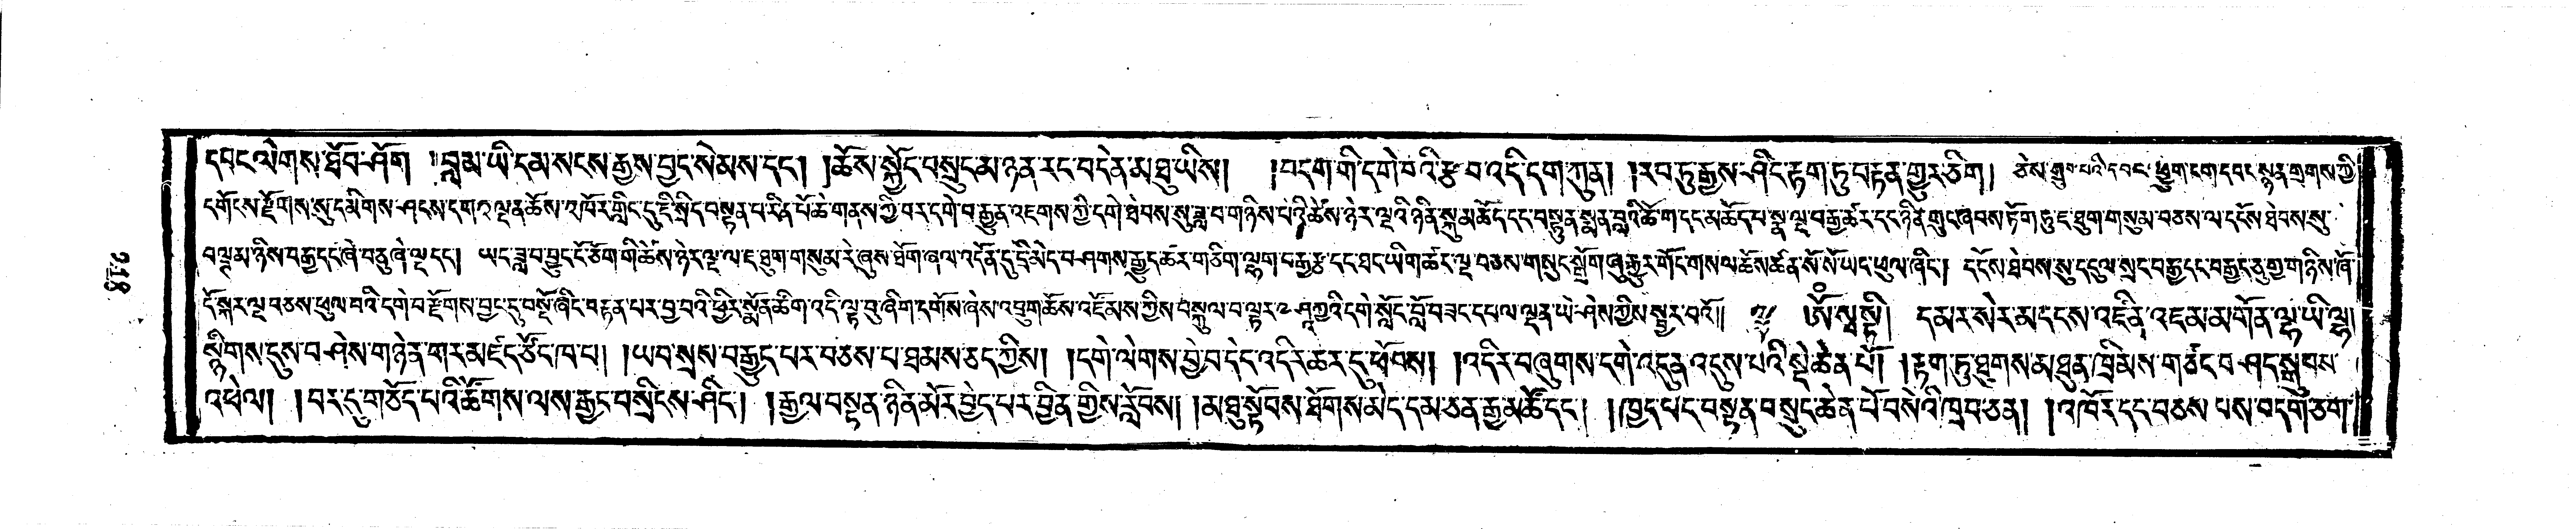དབང་ལེགས་ཐོབ་ཤོག །བླ་མ་ཡི་དམ་སངས་རྒྱས་བྱང་སེམས་དང་། །ཆོས་སྐྱོང་བསྲུང་མ་ཉན་རང་བདེན་མཐུ་ཡིས། །བདག་གི་དགེ་བའི་རྩ་བ་འདི་དག་ཀུན། །རབ་ཏུ་རྒྱས་ཤིང་རྟག་ཏུ་བརྟན་གྱུར་ཅིག། ཅེས་གྲུབ་པའི་དབང་ཕྱུག་ངག་དབང་སྙན་གྲགས་ཀྱི་
དགོངས་རྫོགས་སུ་དམིགས་ཤངས་དགའ་ལྡན་ཆོས་འཁོར་གླིང་དུ་ཇི་སྲིད་བསྟན་པ་རིན་པོ་ཆེ་གནས་ཀྱི་བར་དགེ་བ་རྒྱུན་འཇགས་ཀྱི་དགེ་ཐེབས་སུ་ཟླ་བ་གཉིས་པའི་ཚེས་ཉེར་ལྔའི་ཉིན་སྐུ་མཆོད་དང་བསྟུན་སྨན་བླའི་ཆོ་ག་དང་མཆོད་པ་སྣ་ལྔ་བརྒྱ་ཚར་དང་ཉིན་གྲུབ་ཞབས་ཏོག་ཏུ་ཇ་ཐུག་གསུམ་བཅས་ལ་དངོས་ཐེབས་སུ་
བླྚ་མ་ཉིས་བརྒྱ་དང་ཞེ་བཅུ་ལྔ་དང་། ཡང་ཟླ་བ་བྱུང་ངོ་ཅོག་གི་ཚེས་ཉེར་ལྔ་ལ་ཇ་ཐུག་གསུམ་རེ་ཞུས་ཐོག་ཞལ་འདོན་དུ་དྲི་མེད་བཤགས་རྒྱུད་ཚར་གཅིག་ལྷག་བརྒྱ་རྩ་དང་ཐང་ཡིག་ཚར་ལྔ་བཅས་གསུང་སྒྲོག་ཞུ་རྒྱུར་གོང་གསལ་ཆོས་ཚན་སོ་སོ་ཡང་ཕུལ་ཞིང་། དངོས་ཐེབས་སུ་དངུལ་སྲང་བརྒྱ་དང་བརྒྱད་ཅུ་གྱ་གཉིས་ཞོ་
དོ་སྐར་ལྔ་བཅས་ཕུལ་བའི་དགེ་བ་རྫོགས་བྱང་དུ་བསྔོ་ཞིང་བརྟན་པར་བྱ་བའི་ཕྱིར་སྨོན་ཚིག་འདི་ལྟ་བུ་ཞིག་དགོས་ཞེས་འབྲུག་ཆོས་འཛོམས་ཀྱིས་བསྐུལ་བ་ལྟར་༧་ཤཱཀྱའི་དགེ་སློང་བློ་བཟང་དཔལ་ལྡན་ཡེ་ཤེས་ཀྱིས་སྦྱར་བའོ།། ༈ ཨོཾ་སྭ་སྟི། དམར་སེར་མདངས་འཛིན་འཇམ་མགོན་ལྷ་ཡི་ལྷ།
སྙིགས་སུ་བཤེས་གཉེན་གར་མཛད་ཙོང་ཁ་པ། །ཡབ་སྲས་བརྒྱུད་པར་བཅས་པ་ཐམས་ཅད་ཀྱིས། །དགེ་ལེགས་བྱེ་བ་དེང་འདིར་ཆར་དུ་ཕོབས། །འདིར་བཞུགས་དགེ་འདུན་འདུས་པའི་སྡེ་ཆེན་པོ། །རྟག་ཏུ་ཐུགས་མཐུན་ཁྲིམས་གཙང་བཞད་སྒྲུབས་
འཕེལ། །བར་དུ་གཅོད་པའི་ཚོགས་ལས་རྒྱང་བསྲིངས་ཤིང་། །རྒྱལ་བསྟན་ཉིན་མོར་བྱེད་པར་བྱིན་གྱིས་རློབས། །མཐུ་སྟོབས་ཐོགས་མེད་དམ་ཅན་རྒྱ་མཚོ་དང་། །ཁྱད་པ་བསྟན་བསྲུང་ཆེན་པོ་བསེའི་ཁྲབ་ཅན། །འཁོར་དང་བཅས་པས་བདག་ཅག་